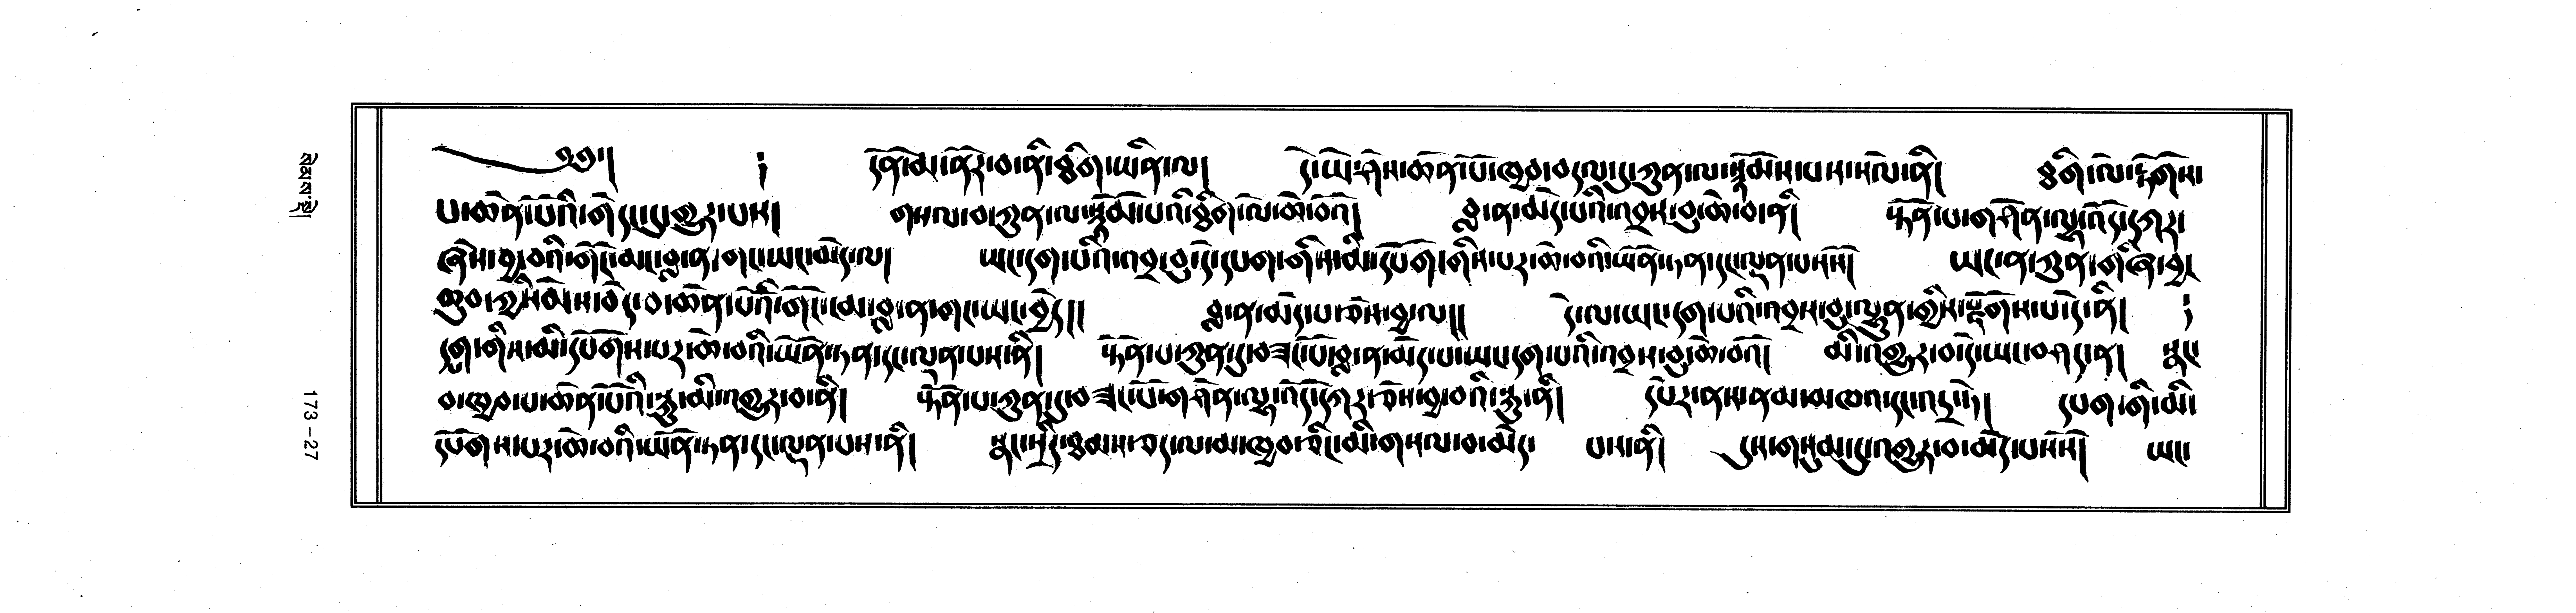དོན་མ་ནོར་བ་ནི་ཐིག་ཡིན་ལ། དེ་ཡེ་ཤེས་ཆེན་པོ་ཁྱབ་བདལ་ཀུན་ལ་སྙོམས་པས་སལེ་ནི། ཐིག་ལེ་རྟོགས་
པ་ཆེན་པོ་གདེང་དུ་གྱུར་པས། གསལ་བ་ཀུན་ལ་སྙོམས་པའི་ཐིག་ལེ་ཆེ་བའོ། །བླ་ན་མེད་པའི་འབྲས་བུ་ཆེ་བ་ནི། སྟོན་པ་ཀུན་ཏུ་བཟང་པོ་གཤེན་ལྷ་འོད་དཀར་
ཞེས་བྱ་བའི་གོང་ངམ་བླ་ན་གང་ཡང་མེད་ལ། ཡང་དག་པའི་འབྲས་བུ་དེ་དཔག་གིས་མི་དཔོག་པར་ཆེ་བའི་ཡོན་ཏན་དང་ལྡན་པས་སོ། །ཡང་ན་ཀུན་གཞི་བྱང་
ཆུབ་ཀྱི་སེམས་བདེ་བ་ཆེན་པོ་བླ་ན་གང་ཡང་བྱེད་༼མེད༽། བླ་ན་མེད་པ་ཅེས་བྱ་ལ། དེ་ལ་ཡང་དག་པའི་འབྲས་བུ་ལྷུན་གྱིས་རྫོགས་པ་དེ་ནི། 
དཔག་གིས་མི་དཔོག་པར་ཆེ་བའི་ཡོན་ཏན་དང་ལྡན་པས་ནི། སྟོན་པ་ཀུན་ཏུ་བཟང་པོ་བླ་ན་མེད་པ་ཡང་དག་པའི་འབྲས་བུའི་ཆེ་བའོ། །མི་འགྱུར་བ་དེ་ཡང་བཤད་ན། སྣང་
བ་ཁྱབ་པ་ཆེན་པོའི་སྐུ་མི་འགྱུར་བ་ནི། སྟོན་པ་ཀུན་ཏུ་བཟང་པོ་གཤེན་ལྷ་འོད་དཀར་ཅེས་བྱ་བའི་སྐུ་ནི། དཔེར་ན། ནམ་མཁའ་དང་འདྲ་སྟེ། དཔག་གིས་མི་
དཔོག་པར་ཆེ་བའི་ཡོན་ཏན་དང་ལྡན་པས་ནི། སྣང་སྲིད་ཐམས་ཅད་ལ་མ་ཁྱབ་ཅིང་མི་གསལ་བ་མེད་པས་ནི། དུས་གསུམ་དུ་འགྱུར་བ་མེད་པས་སོ། །ཡང་